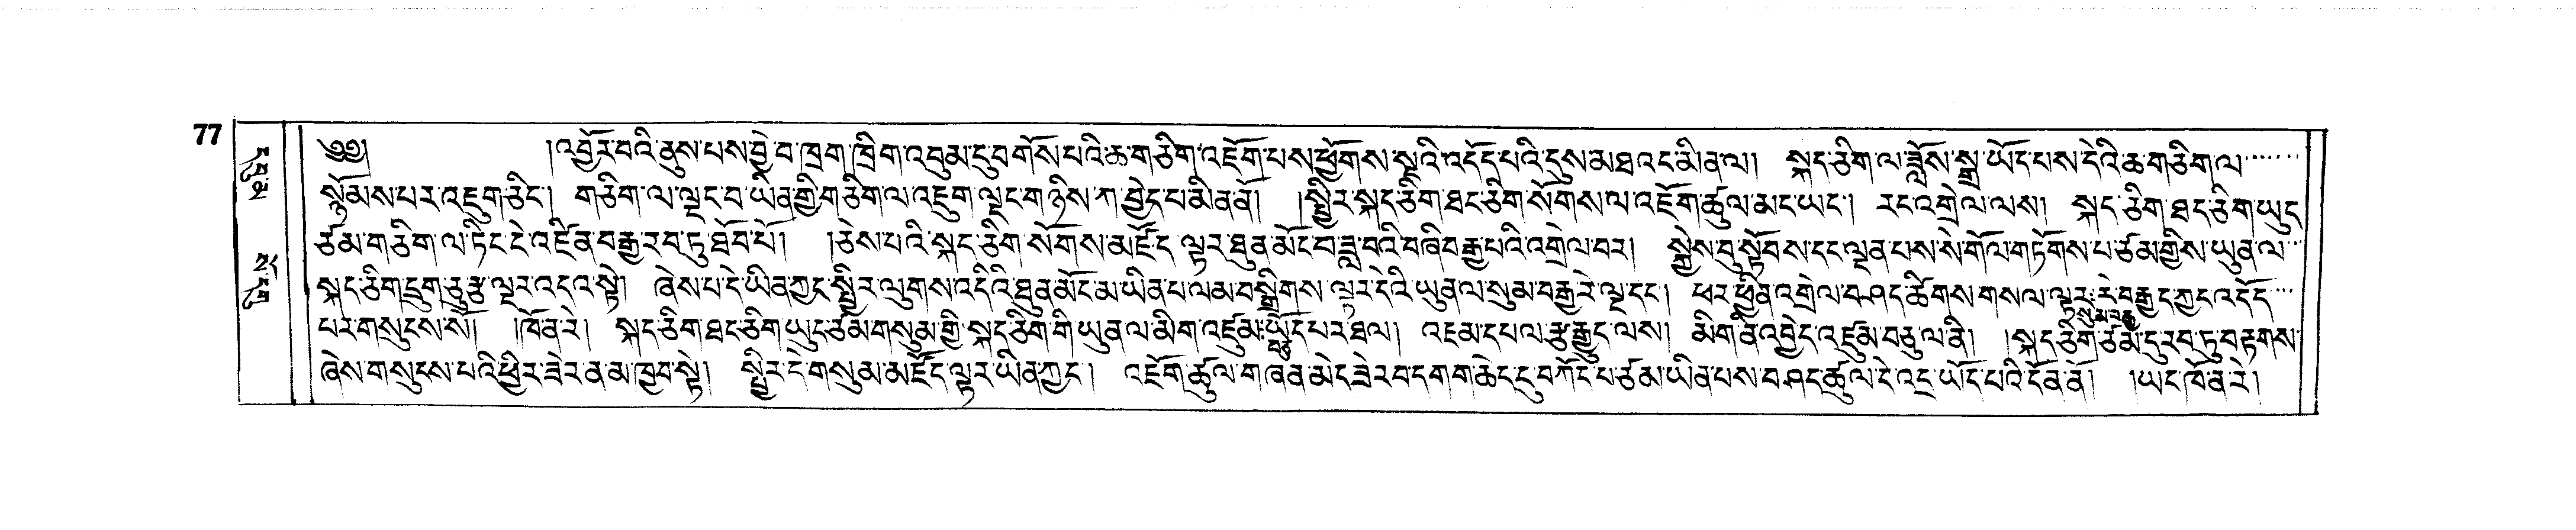༄༅། །འབྱོར་བའི་ནུས་པས་བྱེ་བ་ཁྲག་ཁྲིག་འབུམ་དུ་བགོས་པའི་ཆ་གཅིག་འཇོག་པས་ཕྱོགས་སྔའི་འདོད་པའི་དུས་མཐའ་ང་མིན་ལ། སྐད་ཅིག་ལ་ཟློས་སྒྲ་ཡོད་པས་དེའི་ཆ་གཅིག་ལ་
སྙོམས་པར་འཇུག་ཅིང་། གཅིག་ལ་ལྡང་བ་ཡིན་གྱི་གཅིག་ལ་འཇུག་ལྡང་གཉིས་ཀ་བྱེད་པ་མིན་ནོ། །སྤྱིར་སྐད་ཅིག་ཐང་ཅིག་སོགས་ལ་འཇོག་ཚུལ་མང་ཡང་། རང་འགྲེལ་ལས། སྐད་ཅིག་ཐང་ཅིག་ཡུང་
ཙམ་གཅིག་ལ་ཏིང་ངེ་འཛིན་བརྒྱ་རབ་ཏུ་ཐོབ་པོ། །ཅེས་པའི་སྐད་ཅིག་སོགས་མཛད་ལྟར་ཐུན་མོང་བ་ཟླ་བའི་བཞི་བརྒྱ་པའི་འགྲེལ་བར། སྐྱེས་བུ་སྟོབས་དང་ལྡན་པས་སེ་གོལ་གཏོགས་པ་ཙམ་གྱིས་ཡུན་ལ་
སྐད་ཅིག་དྲུག་ཅུ་རྩ་ལྔར་འདའ་སྟེ། ཞེས་པ་དེ་ཡིན་ཀྱང་སྤྱིར་ལུགས་འདིའི་ཐུན་མོང་མ་ཡིན་པ་ལམ་བསྒྲིགས་ལྟར་དེའི་ཡུན་ལ་སུམ་བརྒྱ་རེ་ལྔ་དང་། ཕར་ཕྱིན་འགྲེལ་བཤད་ཚིགས་གསལ་ལྟར་སུམ་བརྒྱ་བརྒྱད་ཀྱང་འདོད་
པར་གསུངས་སོ། །ཁོ་ན་རེ། སྐད་ཅིག་ཐང་ཅིག་ཡུད་ཙམ་གསུམ་གྱི་སྐད་ཅིག་གི་ཡུན་ལ་མིག་འཛུམ་བཅུ་ཡོད་པར་ཐལ། འཇམ་དཔལ་རྩ་རྒྱུད་ལས། མིག་ནི་འབྱེད་འཛུམ་བཅུ་ལ་ནི། །སྐད་ཅིག་ཙམ་དུ་རབ་ཏུ་བརྟགས་
ཞེས་གསུངས་པའི་ཕྱིར་ཟེར་ན་མ་ཁྱབ་སྟེ། སྤྱིར་དེ་གསུམ་མཛོད་ལྟར་ཡིན་ཀྱང་། འཇོག་ཚུལ་གཞན་མེད་ཟེར་བ་དགག་ཆེད་དུ་བཀོད་པ་ཙམ་ཡིན་པས་བཤད་ཚུལ་དེ་འདྲ་ཡོད་པའི་དོན་ནོ། །ཡང་ཁོ་ན་རེ།